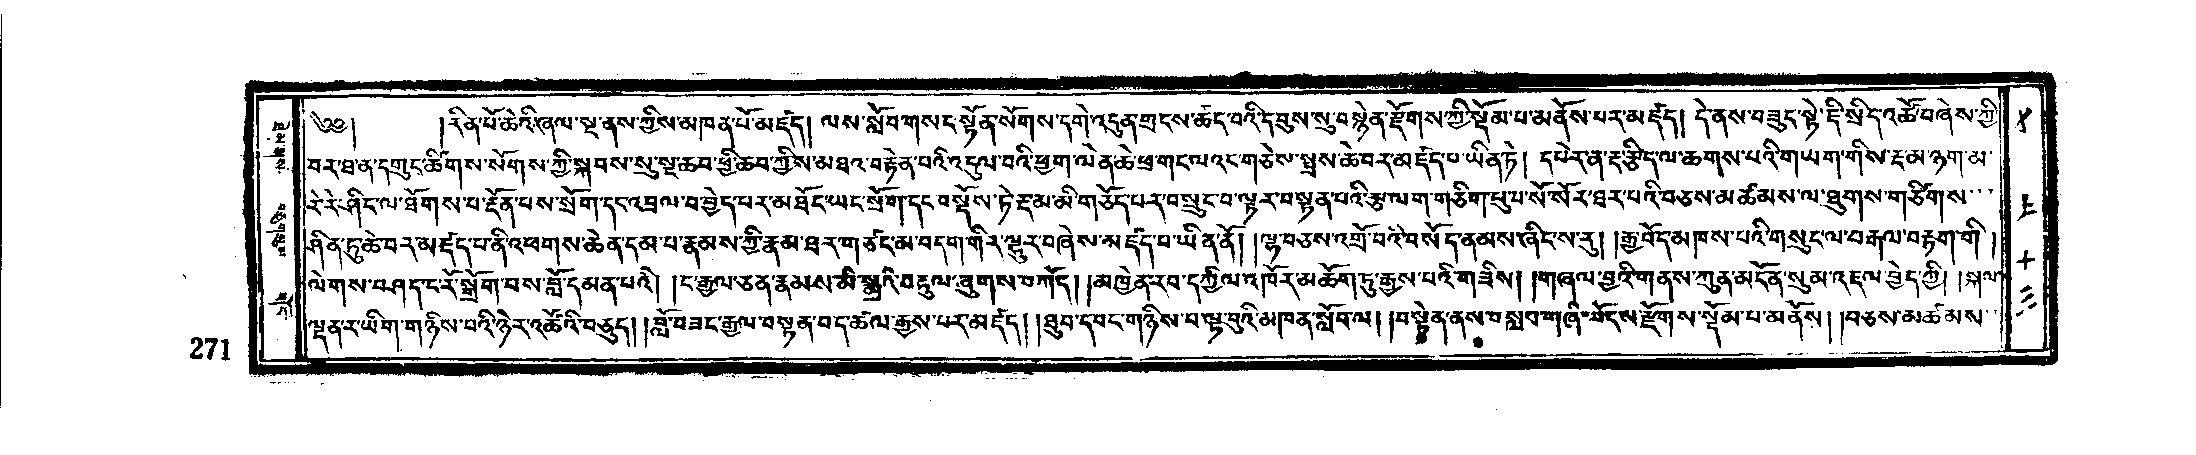༄༅། །རིན་པོ་ཆེའི་ཞལ་སྔ་ནས་ཀྱིས་མཁན་པོ་མཛད། ལས་སློབ་གསང་སྟོན་སོགས་དགེ་འདུན་གྲངས་ཚང་བའི་དབུས་སུ་བསྙེན་རྫོགས་ཀྱི་སྡོམ་པ་མནོས་པར་མཛད། དེ་ནས་བཟུང་སྟེ་ཇི་སྲིད་འཚོ་བཞེས་ཀྱི་
བར་ཐ་ན་དགུང་ཚིགས་སོགས་ཀྱི་སྐབས་སུ་སྔ་ཆབ་ཕྱི་ཆབ་ཀྱི་ས་མཐའ་བརྟེན་པའི་འདུལ་བའི་ཕྱག་ལེན་ཆེ་ཕྲ་གང་ལའང་གཅེས་སྤྲས་ཆེ་བར་མཛད་པ་ཡིན་ཏེ། དཔེར་ན་རྔ་རྩིད་ལ་ཆགས་པའི་གཡག་གིས་རྔ་མ་ཉག་མ་
རེ་རེ་ཤིང་ལ་ཐོགས་པ་རྔོན་པས་སྲོག་དང་འབྲལ་བ་བྱེད་པར་མཐོང་ཡང་སྲོག་དང་བསྡོས་ཏེ་རྔ་མ་མི་གཅོད་པར་བསྲུང་བ་ལྟར་བསྟན་པའི་རྩ་ལག་གཅིག་པུ་པ་སོ་སོར་ཐར་པའི་བཅས་མཚམས་ལ་ཐུགས་གཙིགས་
ཤིན་ཏུ་ཆེ་བར་མཛད་པ་ནི་འཕགས་ཆེན་དམ་པ་རྣམས་ཀྱི་རྣམ་ཐར་གཙང་མ་བདག་གིར་ལྷུར་བཞེས་མཛད་པ་ཡིན་ནོ། །ལྷ་བཅས་འགྲོ་བའི་བསོད་ནམས་ཞིང་ས་རུ། །རྒྱ་བོད་མཁས་པའི་གསུང་ལ་བརྒལ་བརྟག་གི །
ལེགས་བཤད་ང་རོ་སྒྲོག་པས་བློ་དམན་པའི། །ང་རྒྱལ་ཅན་རྣམས་མི་སྨྲའི་བརྟུལ་ཞུགས་བཀོད། །མཁྱེན་རབ་དཀྱིལ་འཁོར་མཆོག་ཏུ་རྒྱས་པའི་གཟིས། །གཞལ་བྱའི་གནས་ཀུན་མངོན་སུམ་འཇལ་བྱེད་ཀྱི། །སྐལ་
ལྡན་ར་ཡིག་གཉིས་པའི་ཉེར་འཚོའི་བཅུད། །བློ་བཟང་རྒྱལ་བསྟན་བད་ཚལ་རྒྱས་པར་མཛད། །ཐུབ་དབང་གཉིས་པ་ལྟ་བུའི་མཁན་སློབ་ལ། །བསྟེན་ནས་བསླབ་གཞི་ཡོངས་རྫོགས་སྡོམ་པ་མནོས། །བཅས་མཚམས་